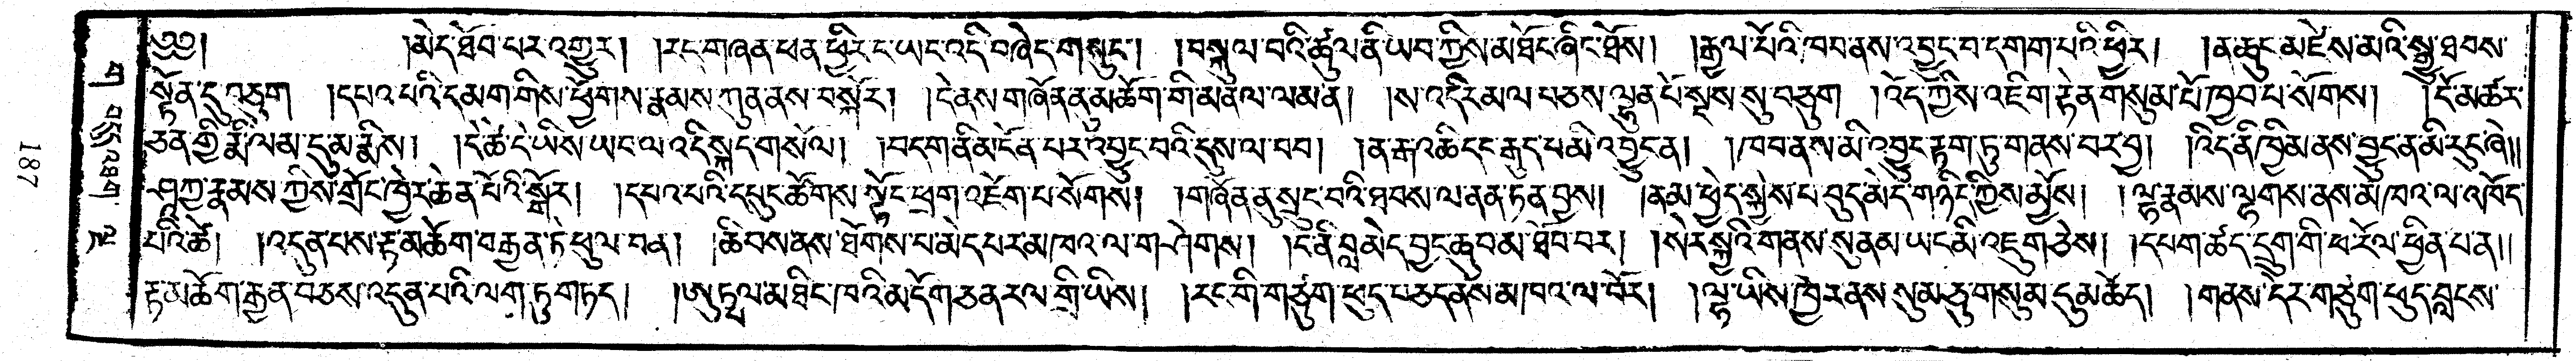༄༅། །མེད་ཐོབ་པར་འགྱུར། །རང་གཞན་ཕན་ཕྱིར་ང་ཡང་འདི་བཞེད་གསུང་། །བསྐུལ་བའི་ཚུལ་ནི་ཡབ་ཀྱིས་མཐོང་ཞིང་ཐོས། །རྒྱལ་པོའི་ཁབ་ནས་འབྱུང་བ་དགག་པའི་ཕྱིར། །ན་ཆུང་མཛེས་མའི་སྒྱུ་ཐབས་
སྟོན་དུ་བཅུག །དཔའ་པའི་དམག་གིས་ཕྱོགས་རྣམས་ཀུན་ནས་བསྐོར། །དེ་ནས་གཞོན་ནུ་མཆོག་གི་མནལ་ལམ་ན། །ས་འདིར་མལ་བཅས་ལྷུན་པོ་སྔས་སུ་བཅུག །འོད་ཀྱིས་འཇིག་རྟེན་གསུམ་པོ་ཁྱབ་པ་སོགས། །ངོ་མཚར་
ཅན་གྱི་རྨི་ལམ་དུ་མ་རྨིས། །དེ་ཚེ་དེ་ཡིས་ཡབ་ལ་འདི་སྐད་གསོལ། །བདག་ནི་མངོན་པར་འབྱུང་བའི་དུས་ལ་བབ། །ན་རྒ་འཆི་དང་རྒུད་པ་མི་འབྱུང་ན། །ཁབ་ནས་མི་འབྱུང་རྟག་ཏུ་གནས་བར་བྱ། །འདི་ནི་ཁྱིམ་ནས་བྱུང་ན་མི་རུང་ཞེ།།
ཤཱཀྱ་རྣམས་ཀྱིས་གྲོང་ཁྱེར་ཆེན་པོའི་སྒོར། །དཔའ་བའི་དཔུང་ཚོགས་སྟོང་ཕྲག་འཇོག་པ་སོགས། །གཞོན་ནུ་སྲུང་བའི་ཐབས་ལ་ནན་ཏན་བྱས། །ནམ་ཕྱེད་སྐྱེས་པ་བུད་མེད་གཉིད་ཀྱིས་མྱོས། །ལྷ་རྣམས་ལྷགས་ནས་མཁའ་ལ་འཁོད་
པའི་ཚེ། །འདུན་པས་རྟ་མཆོག་བརྒྱན་ཏེ་ཕུལ་བན། །ཆིབས་ནས་ཐོགས་པ་མེད་པར་མཁའ་ལ་གཤེགས། །ང་ནི་བླ་མེད་བྱང་ཆུབ་མ་ཐོབ་བར། །སེར་སྐྱའི་གནས་སུ་ནམ་ཡང་མི་འཇུག་ཅེས། །དཔག་ཚད་དྲུག་གི་ཕ་རོལ་ཕྱིན་པ་ན།།
རྟ་མཆོག་རྒྱན་བཅས་འདུན་པའི་ལག་ཏུ་གཏད། །ཨུཏྤལ་མཐིང་ཁའི་མདོག་ཅན་རལ་གྲི་ཡིས། །རང་གི་གཙུག་ཕུད་བཅད་ནས་མཁའ་ལ་བོར། །ལྷ་ཡིས་ཁྱེར་ནས་སུམ་ཅུ་གསུམ་དུ་མཆོད། །གནས་དེར་གཙུག་ཕུད་བླངས་